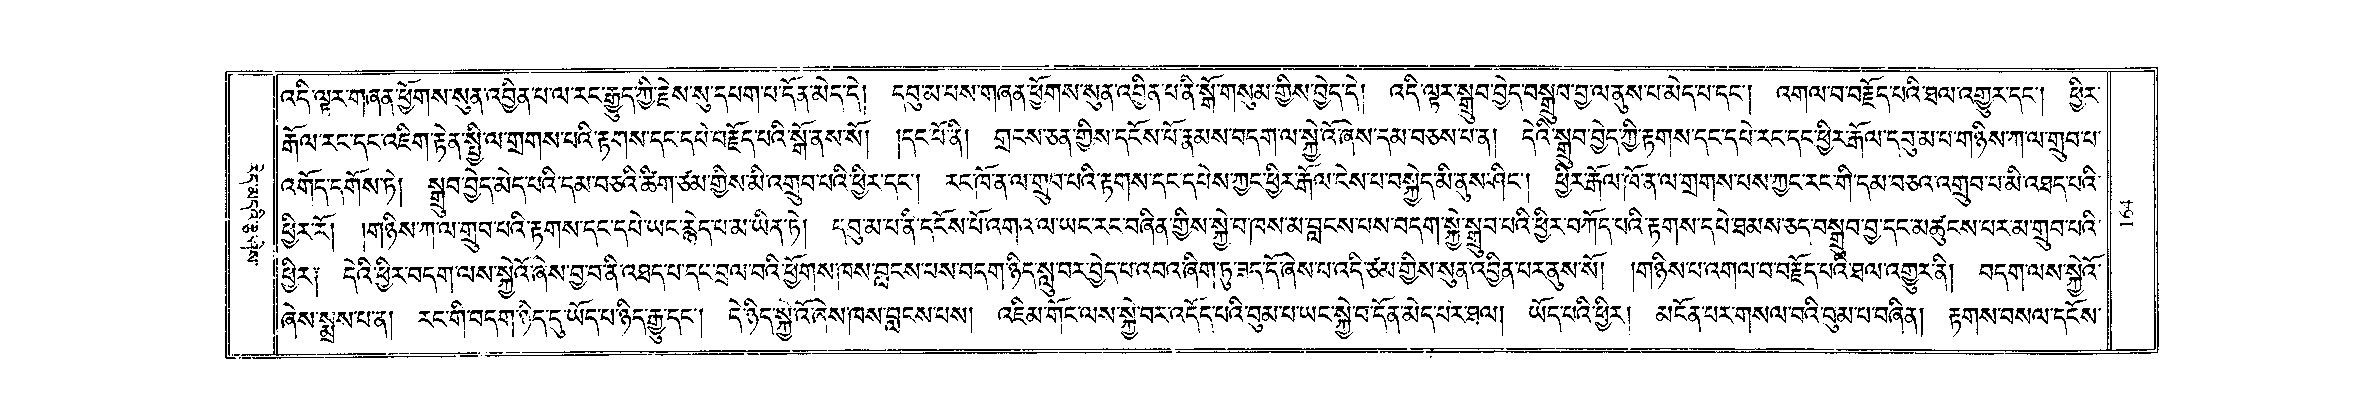འདི་ལྟར་གཞན་ཕྱོགས་སུན་འབྱིན་པ་ལ་རང་རྒྱུད་ཀྱི་རྗེས་སུ་དཔག་པ་དོན་མེད་དེ། དབུ་མ་པས་གཞན་ཕྱོགས་སུན་འབྱིན་པ་ནི་སྒོ་གསུམ་གྱིས་བྱེད་དེ། འདི་ལྟར་སྒྲུབ་བྱེད་བསྒྲུབ་བྱ་ལ་ནུས་པ་མེད་པ་དང་། འགལ་བ་བརྗོད་པའི་ཐལ་འགྱུར་དང་། ཕྱིར་
རྒོལ་རང་དང་འཇིག་རྟེན་སྤྱི་ལ་གྲགས་པའི་རྟགས་དང་དཔེ་བརྗོད་པའི་སྒོ་ནས་སོ། །དང་པོ་ནི། གྲངས་ཅན་གྱིས་དངོས་པོ་རྣམས་བདག་ལ་སྐྱེའོ་ཞེས་དམ་བཅས་པ་ན། དེའི་སྒྲུབ་བྱེད་ཀྱི་རྟགས་དང་དཔེ་རང་དང་ཕྱིར་རྒོལ་དབུ་མ་པ་གཉིས་ཀ་ལ་གྲུབ་པ་
འགོད་དགོས་ཏེ། སྒྲུབ་བྱེད་མེད་པའི་དམ་བཅའི་ཚིག་ཙམ་གྱིས་མི་འགྲུབ་པའི་ཕྱིར་དང་། རང་ཁོ་ན་ལ་གྲུབ་པའི་རྟགས་དང་དཔེས་ཀྱང་ཕྱིར་རྒོལ་ངེས་པ་བསྐྱེད་མི་ནུས་ཤིང་། ཕྱིར་རྒོལ་ཁོ་ན་ལ་གྲགས་པས་ཀྱང་རང་གི་དམ་བཅའ་འགྲུབ་པ་མི་འཐད་པའི་
ཕྱིར་རོ། །གཉིས་ཀ་ལ་གྲུབ་པའི་རྟགས་དང་དཔེ་ཡང་རྙེད་པ་མ་ཡིན་ཏེ། དབུ་མ་པ་ནི་དངོས་པོ་འགའ་ལ་ཡང་རང་བཞིན་གྱིས་སྐྱེ་བ་ཁས་མ་བླངས་པས་བདག་སྐྱེ་སྒྲུབ་པའི་ཕྱིར་བཀོད་པའི་རྟགས་དཔེ་ཐམས་ཅད་བསྒྲུབ་བྱ་དང་མཚུངས་པར་མ་གྲུབ་པའི་
ཕྱིར༑ དེའི་ཕྱིར་བདག་ལས་སྐྱེའོ་ཞེས་བྱ་བ་ནི་འཐད་པ་དང་བྲལ་བའི་ཕྱོགས་ཁས་བླངས་པས་བདག་ཉིད་སླུ་བར་བྱེད་པ་འབའ་ཞིག་ཏུ་ཟད་དོ་ཞེས་པ་འདི་ཙམ་གྱིས་སུན་འབྱིན་པར་ནུས་སོ། །གཉིས་པ་འགལ་བ་བརྗོད་པའི་ཐལ་འགྱུར་ནི། བདག་ལས་སྐྱེའོ་
ཞེས་སྨྲས་པ་ན། རང་གི་བདག་ཉིད་དུ་ཡོད་པ་ཉིད་རྒྱུ་དང་། དེ་ཉིད་སྐྱེའོ་ཞེས་ཁས་བླངས་པས། འཇིམ་གོང་ལས་སྐྱེ་བར་འདོད་པའི་བུམ་པ་ཡང་སྐྱེ་བ་དོན་མེད་པར་ཐལ། ཡོད་པའི་ཕྱིར། མངོན་པར་གསལ་བའི་བུམ་པ་བཞིན། རྟགས་བསལ་དངོས་